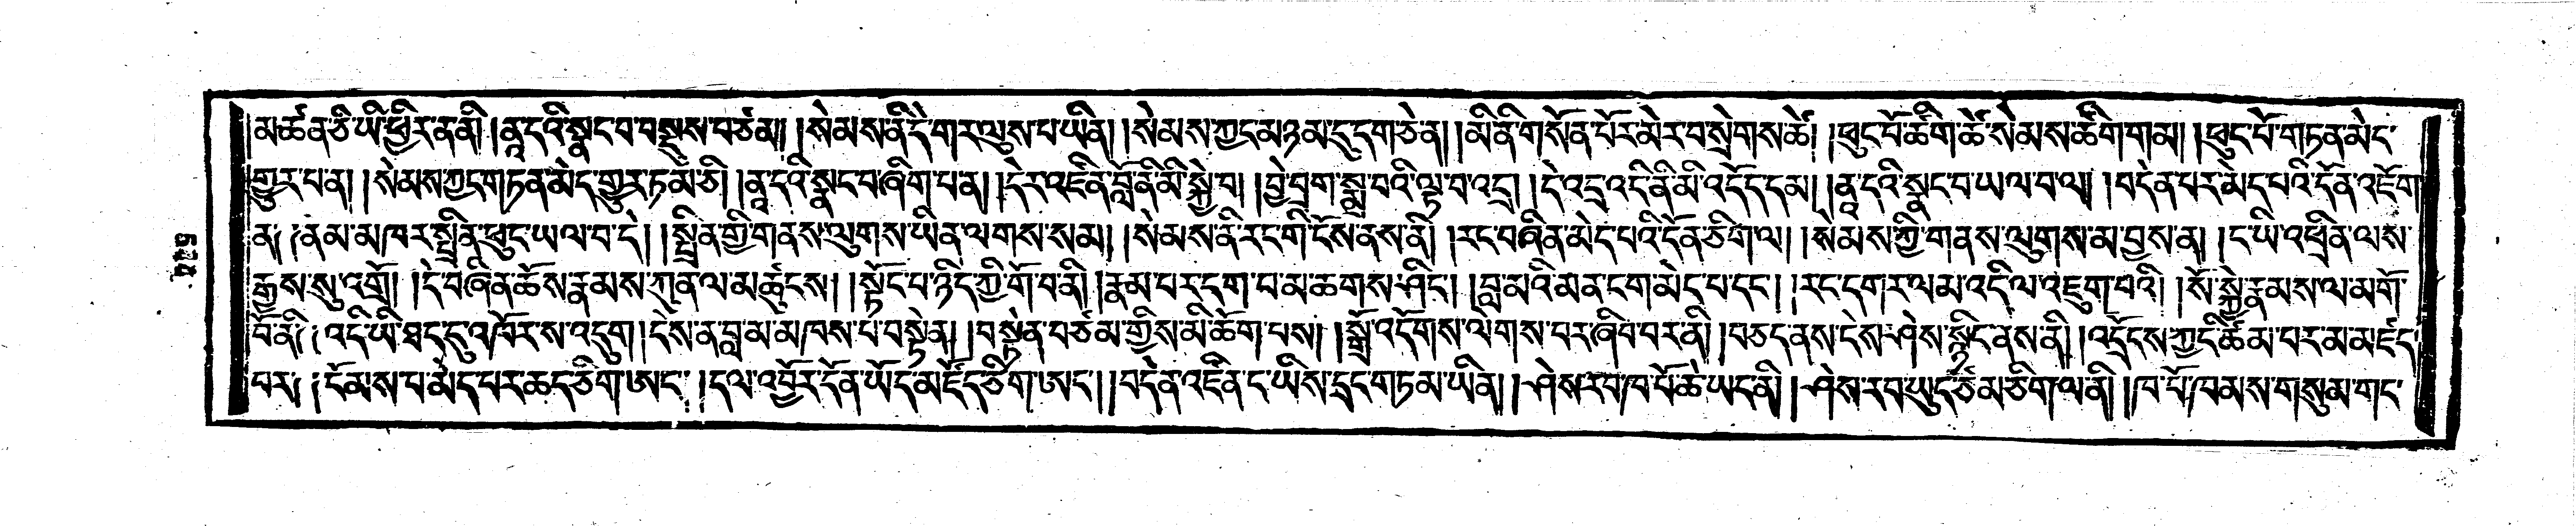མཚན་ཅི་ཡི་ཕྱིར་ན་ནི། །ནཱ་དའི་སྣང་བ་བསྡུས་པ་ཙམ། །སེམས་ནི་དེ་གར་ལུས་པ་ཡིན། །སེམས་ཀྱང་མཉམ་དུ་དག་ཅེ་ན། །མི་ནི་གསོན་པོར་མེར་བསྲེགས་ཚེ། །ཕུང་པོ་ཚིག་ཚེ་སེམས་ཚིག་གམ། །ཕུང་པོ་གཏན་མེད་
གྱུར་པ་ན། །སེམས་ཀྱང་གཏན་མེད་གྱུར་ཏམ་ཅི། །ནཱ་དའི་སྣང་བ་ཞིག་པ་ན། །དེར་འཛིན་བློ་ནི་མི་སྐྱེ་བ། །བྱེ་བྲག་སྨྲ་བའི་ལྟ་བ་འདྲ། །དེ་འདྲ་འདི་ནི་མི་འདོད་དམ། །ནཱ་དའི་སྣང་བ་ཡལ་བ་ལ། །བདེན་པར་མེད་པའི་དོན་འཇོག་
ན༑ ༑ནམ་མཁར་སྤྲིན་ཕུང་ཡལ་བ་དེ། །སྤྲིན་གྱི་གནས་ལུགས་ཡིན་ལགས་སམ། །སེམས་ནི་རང་གི་ངོས་ནས་ནི། །རང་བཞིན་མེད་པའི་དོན་ཅིག་ལ། །སེམས་ཀྱི་གནས་ལུགས་མ་བྱས་ན། །ང་ཡི་འཕྲིན་ལས་
རྒྱས་སུ་འགྲོ། །དེ་བཞིན་ཆོས་རྣམས་ཀུན་ལ་མཚུངས། །སྟོང་པ་ཉིད་ཀྱི་གོ་བ་ནི། །རྣམ་པར་དག་པ་མ་ཆགས་ཤིང་། །བླ་མའི་མན་ངག་མེད་པ་དང་། །རང་དགར་ལམ་འདི་ལ་འཇུག་པའི། །སོ་སྐྱེ་རྣམས་ལ་མགོ་
བོ་ནི༑ ༑འདི་ཡི་ཐང་དུ་འཁོར་ས་འདུག །དེས་ན་བླ་མ་མཁས་པ་བསྟེན། །བསྟེན་པ་ཙམ་གྱིས་མི་མཆོག་པས། །སྒྲོ་འདོགས་ལེགས་པར་ཞིབ་པར་ནི། །བཅད་ནས་ངེས་ཤེས་སྙིང་ནས་ནི། །འདྲོངས་ཀྱང་ཚིམ་པར་མ་མཛད་
པར༑ ༑ངོམས་པ་མེད་པར་ཆད་ཅིག་ཨང་། །དལ་འབྱོར་དོན་ཡོད་མཛོད་ཅིག་ཨང་། །བདེན་འཛིན་ང་ཡིས་དྲང་གཏམ་ཡིན། །ཤེས་རབ་ཁ་པོ་ཆེ་ཡང་ནི། །ཤེས་རབ་ཡུད་ཙམ་ཅིག་ལ་ནི། །ཁ་པོ་ཁམས་གསུམ་གང་